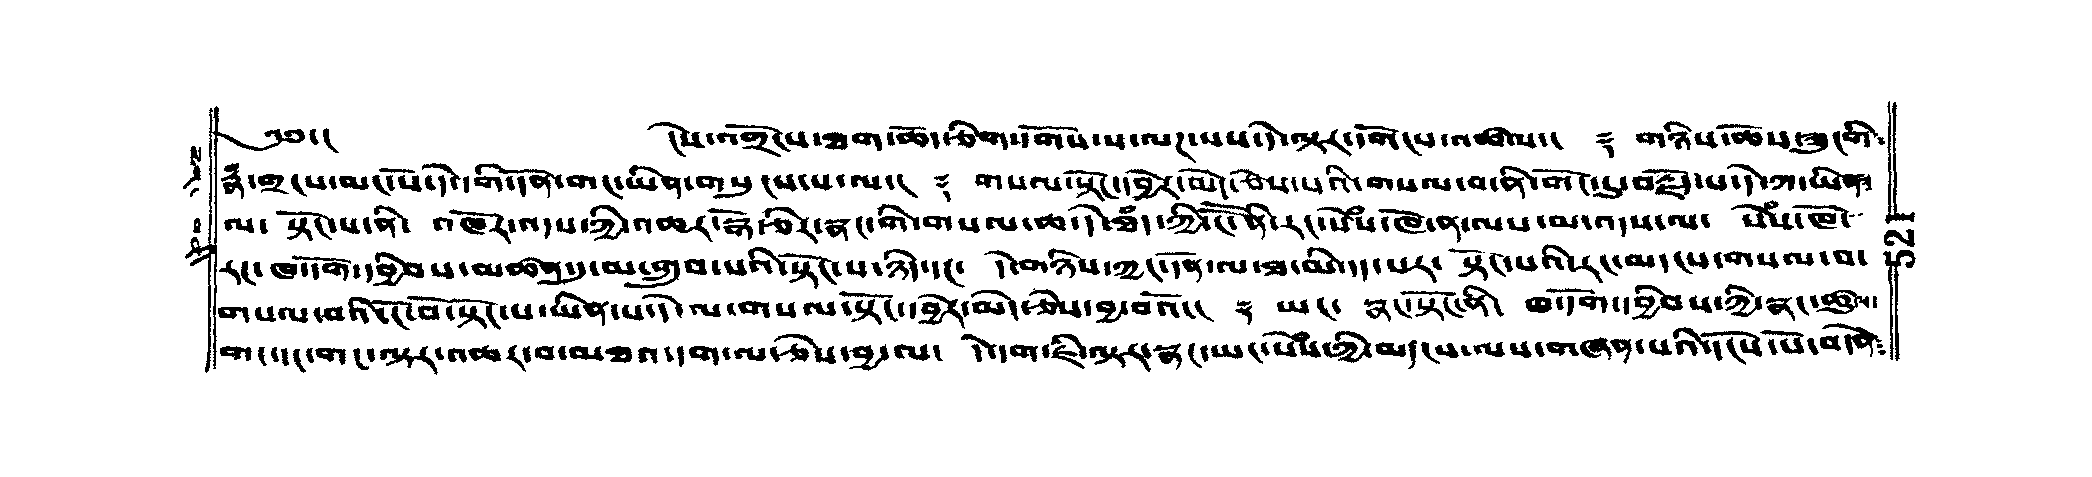ངེས་འདྲོངས་ཐག་ཆོད་ཅིག་དགོས་པ་ལགས་པས་དེ་ལྟར་དགོངས་འཚལ། ༈ གཉིས་ཆོས་ཟུང་འཇུག་གི་
རྣམ་གྲངས་མང་པོ་དེ་དག་གི་དོན་གང་ཡིན་གསུངས་པ་ལ། ༈ གསལ་སྟོང་དབྱེར་མེད་ཅེས་པའི་གསལ་བ་ནི་གོང་དུ་བརྗོད་པ་དེ་ཀ་ཡིན་
ལ།སྟོང་པ་ནི། འཁོར་འདས་ཀྱི་འཆར་སྒོ་ཅིར་སྣང་གི་གསལ་ཆ་དེ་ཐམས་ཅད་ཀྱི་ངོ་བོ་ནི་རང་སེམས་ཁོ་ན་ལས་མ་འདས་ལ། སེམས་ཁོ་
རང་ཁ་དོག་དབྱིབས་མཚན་དུ་མ་གྲུབ་པའི་སྟོང་པ་ཉིད་དང་། དེ་གཉིས་ཀྱང་དོན་ལ་ཐ་མི་དད་པར། སྟོང་པའི་རང་མདངས་གསལ་བ་
གསལ་བའི་ངོ་བོ་སྟོང་པ་ཡིན་པ་དེ་ལ་གསལ་སྟོང་དབྱེར་མེད་ཅེས་བྱ་བའོ། ༈ ཡང་སྣང་སྟོང་ནི། ཁ་དོག་དབྱིབས་ཀྱི་སྣང་ཚུལ་
གང་དང་གང་ལྟར་འཆར་བ་མཐའ་དག་ལ་ཞེས་བྱ་ལ། དེ་དག་ཇི་ལྟར་སྣང་ཡང་སེམས་ཀྱི་མདངས་ལས་གཞན་པའི་དངོས་པོ་བདེན་